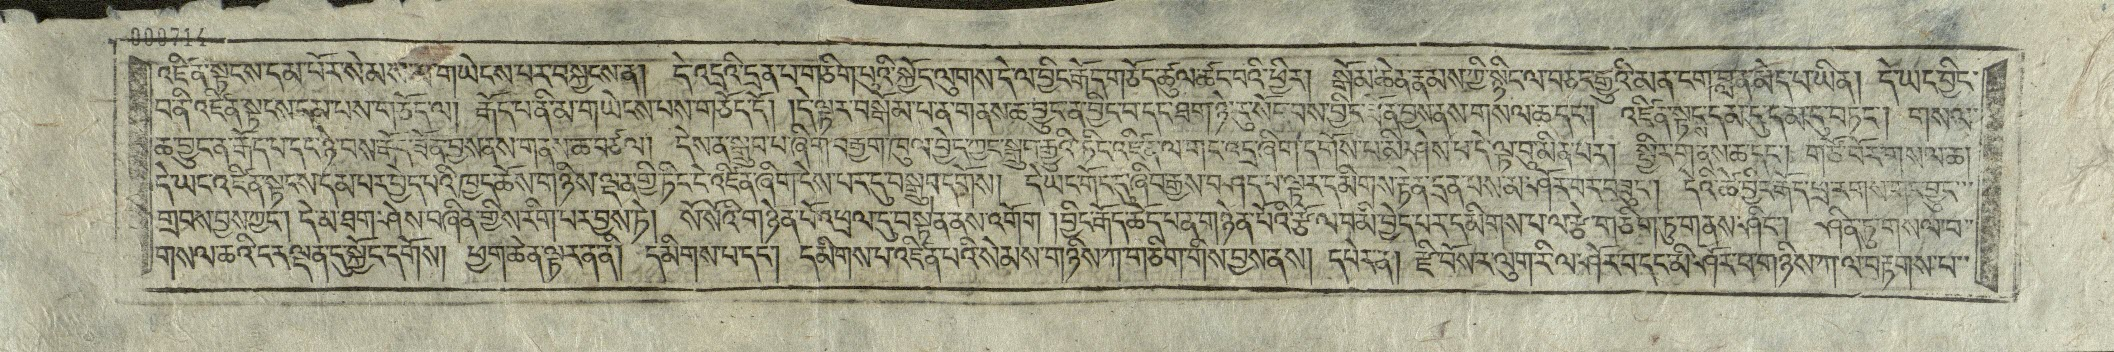འཛིན་སྟངས་དམ་པོར་སེམས་མ་གཡེངས་པར་བསྐྱངས་ན། དེ་འདྲའི་དྲན་པ་གཅིག་པུའི་སྐྱོང་ལུགས་དེ་ལ་བྱིང་རྒོད་གཅོད་ཚུལ་ཚང་བའི་ཕྱིར། སྒོམ་ཆེན་རྣམས་ཀྱི་སྙིང་ལ་བཅང་རྒྱུའི་མན་ངག་བླ་ན་མེད་པ་ཡིན། དེ་ཡང་བྱིང་
བ་ནི་འཛིན་སྟངས་དམ་པས་གཅོད་ལ། རྒོད་པ་ནི་མ་གཡེངས་པས་གཅོད་དོ། །དེ་ལྟར་བསྒོམ་པ་ན་གནས་ཆ་བྱུང་ན་བྱིང་བ་དང་ཐག་ཉེ་རུ་སོང་བས་བྱིང་ཟོན་བྱས་ནས་གསལ་ཆ་དང་། འཛིན་སྟངས་དམ་དུ་དམ་དུ་བཏང་། གསལ་
ཆ་བྱུང་ན་རྒོད་པ་དང་ཉེ་བས་རྒོད་ཟོན་བྱས་ནས་གནས་ཆ་བཙལ། དེས་ན་སྒྲུབ་པ་ཞིག་བརྒྱག་ཁུལ་བྱེད་ཀྱང་སྒྲུབ་རྒྱུའི་ཏིང་འཛིན་ལ་གང་འདྲ་ཞིག་དགོས་པ་མི་ཤེས་པ་དེ་ལྟ་བུ་མིན་པར། སྤྱིར་གནས་ཆ་དང་། གཙོ་བོར་གསལ་ཆ།
དེ་ཡང་འཛིན་སྟངས་དམ་པར་བྱེད་པའི་ཁྱད་ཆོས་གཉིས་ལྡན་གྱི་ཏིང་ངེ་འཛིན་ཞིག་ངེས་པར་དུ་བསྒྲུབ་དགོས། དེ་ཡང་གོང་དུ་ཞིབ་རྒྱས་བཤད་པ་ལྟར་དམིགས་རྟེན་དྲན་པས་མ་ཤོར་བར་བཟུང་། དེའི་ཚེ་བྱིང་རྒོད་ཕྲ་རགས་གང་བྱུང་
གྲབས་བྱས་ཀྱང་། དེ་མ་ཐག་ཤེས་བཞིན་གྱིས་རིག་པར་བྱས་ཏེ། སོ་སོའི་གཉེན་པོ་འཕྲལ་དུ་བསྟེན་ནས་འགོག །བྱིང་རྒོད་ཆོད་པ་ན་གཉེན་པོའི་རྩོལ་བ་མི་བྱེད་པར་དམིགས་པ་ལ་རྩེ་གཅིག་ཏུ་གནས་ཤིང་། ཤིན་ཏུ་གསལ་བ་
གསལ་ཆའི་ངར་ལྡན་དུ་སྐྱོང་དགོས། ཕྱག་ཆེན་ལྟར་ན་ནི། དམིགས་པ་དང་། དམིགས་པ་འཛིན་པའི་སེམས་གཉིས་ཀ་གཅིག་གིས་བྱས་ནས། དཔེར་ན། རྫི་བོས་ར་ལུག་རི་ལ་ཤོར་བ་དང་མི་ཤོར་བ་གཉིས་ཀ་ལ་བརྟགས་པ་